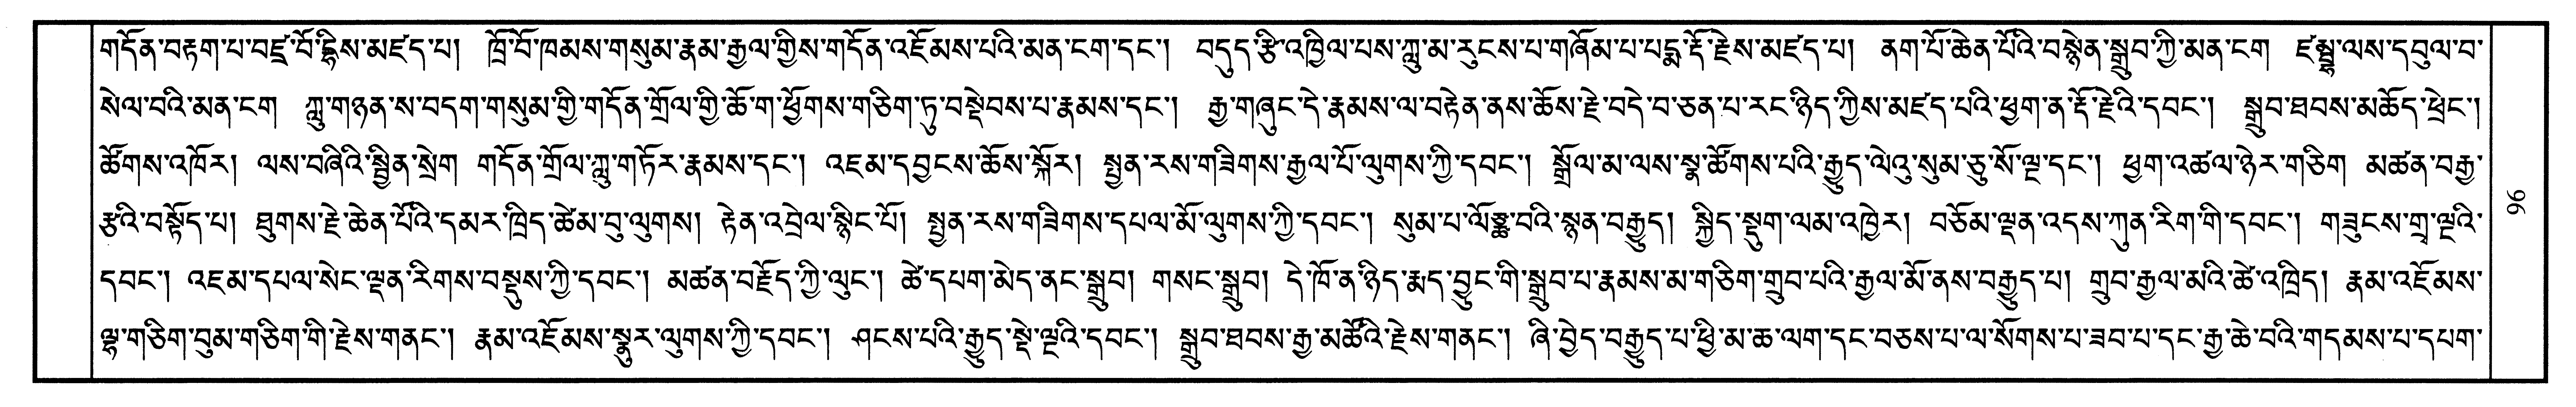གདོན་བརྟག་པ་བཛྲ་བོ་དྷིས་མཛད་པ། ཁྲོ་བོ་ཁམས་གསུམ་རྣམ་རྒྱལ་གྱིས་གདོན་འཇོམས་པའི་མན་ངག་དང་། བདུད་རྩི་འཁྱིལ་པས་ཀླུ་མ་རུངས་པ་གཞོམ་པ་པདམ་རྡོ་རྗེས་མཛད་པ། ནག་པོ་ཆེན་པོའི་བསྙེན་སྒྲུབ་ཀྱི་མན་ངག། ཛམྦྷ་ལས་དབུལ་བ་
སེལ་བའི་མན་ངག། ཀླུ་གཉན་ས་བདག་གསུམ་གྱི་གདོན་གྲོལ་གྱི་ཆོ་ག་ཕྱོགས་གཅིག་ཏུ་བསྡེབས་པ་རྣམས་དང་། རྒྱ་གཞུང་དེ་རྣམས་ལ་བརྟེན་ནས་ཆོས་རྗེ་བདེ་བ་ཅན་པ་རང་ཉིད་ཀྱིས་མཛད་པའི་ཕྱག་ན་རྡོ་རྗེའི་དབང་། སྒྲུབ་ཐབས་མཆོད་ཕྲེང་།
ཚོགས་འཁོར། ལས་བཞིའི་སྦྱིན་སྲེག། གདོན་གྲོལ་ཀླུ་གཏོར་རྣམས་དང་། འཇམ་དབྱངས་ཆོས་སྐོར། སྤྱན་རས་གཟིགས་རྒྱལ་པོ་ལུགས་ཀྱི་དབང་། སྒྲོལ་མ་ལས་སྣ་ཚོགས་པའི་རྒྱུད་ལེའུ་སུམ་ཅུ་སོ་ལྔ་དང་། ཕྱག་འཚལ་ཉེར་གཅིག། མཚན་བརྒྱ་
རྩའི་བསྟོད་པ། ཐུགས་རྗེ་ཆེན་པོའི་དམར་ཁྲིད་ཚེམ་བུ་ལུགས། རྟེན་འབྲེལ་སྙིང་པོ། སྤྱན་རས་གཟིགས་དཔལ་མོ་ལུགས་ཀྱི་དབང་། སུམ་པ་ལོཙྪ་བའི་སྙན་བརྒྱུད། སྐྱིད་སྡུག་ལམ་འཁྱེར། བཅོམ་ལྡན་འདས་ཀུན་རིག་གི་དབང་། གཟུངས་གྲྭ་ལྔའི་
དབང་། འཇམ་དཔལ་སེང་ལྡན་རིགས་བསྡུས་ཀྱི་དབང་། མཚན་བརྗོད་ཀྱི་ལུང་། ཚེ་དཔག་མེད་ནང་སྒྲུབ། གསང་སྒྲུབ། དེ་ཁོ་ན་ཉིད་རྨད་བྱུང་གི་སྒྲུབ་པ་རྣམས་མ་གཅིག་གྲུབ་པའི་རྒྱལ་མོ་ནས་བརྒྱུད་པ། གྲུབ་རྒྱལ་མའི་ཚེ་འཁྲིད། རྣམ་འཇོམས་
ལྷ་གཅིག་བུམ་གཅིག་གི་རྗེས་གནང་། རྣམ་འཇོམས་སྣུར་ལུགས་ཀྱི་དབང་། ཤངས་པའི་རྒྱུད་སྡེ་ལྔའི་དབང་། སྒྲུབ་ཐབས་རྒྱ་མཚོའི་རྗེས་གནང་། ཞི་བྱེད་བརྒྱུད་པ་ཕྱི་མ་ཆ་ལག་དང་བཅས་པ་ལ་སོགས་པ་ཟབ་པ་དང་རྒྱ་ཆེ་བའི་གདམས་པ་དཔག་